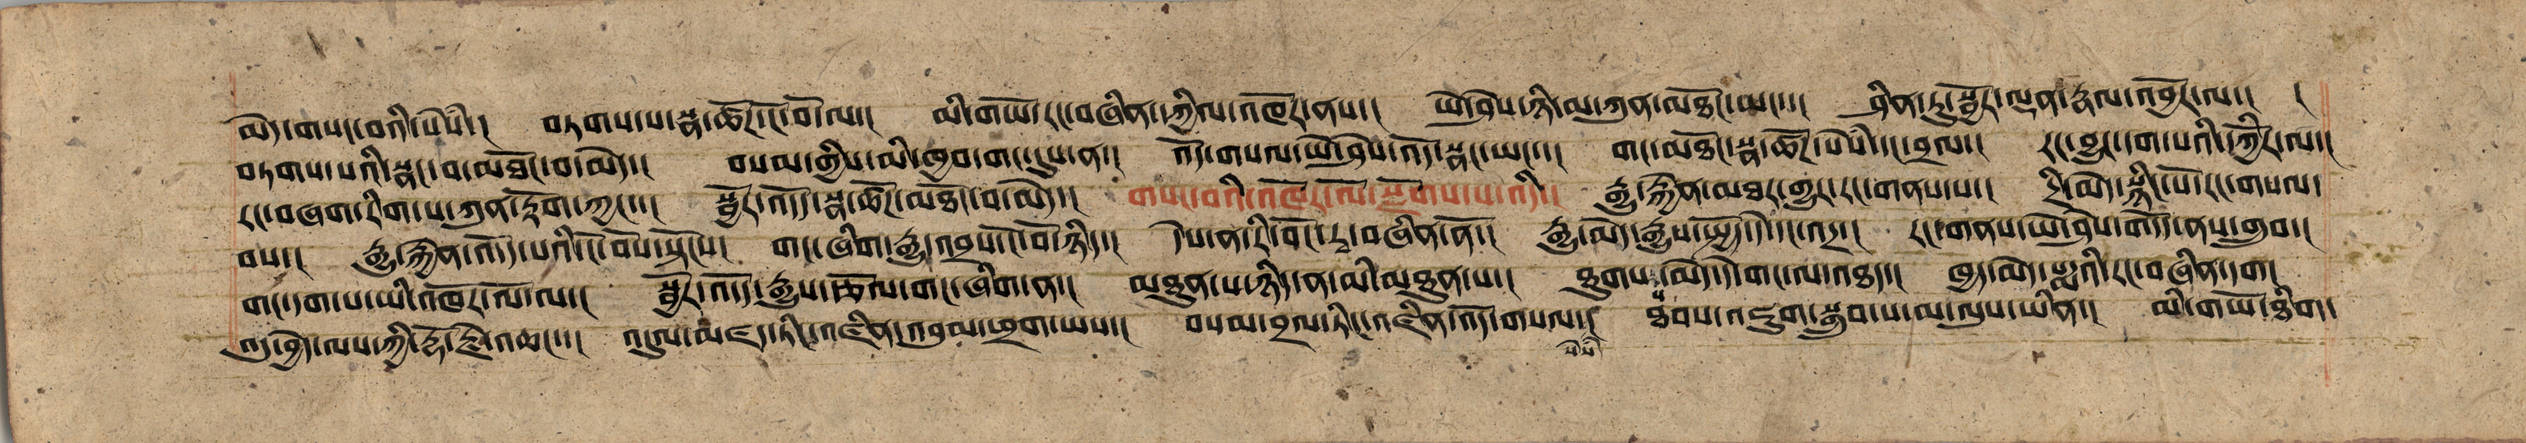མེད་གསང་བའི་སེསཾ་། བཏགས་པ་སྣ་ཚོཌ་ངོ་བོ་ལ་། མི་གཡོ་རང་བཞིན་དཀྱིལ་འཁོར་ནས་། ཡེ་ཤེས་ཉི་མ་ཀུན་མཐོང་མང་་། ཤིན་ཏུ་སྦྱོར་ལྡན་རྣལ་འབྱོར་ལ་། །
བཏགས་པའི་སྣང་བ་མཐོང་བ་མེད་། བསམ་གྱིས་མི་ཁྱབ་གང་དུས་ན་། འོད་གསལ་ཡེ་ཤེས་འོད་སྣང་ཡང་། གང་མཐོང་སྣ་ཚོཌ་སེཾས་དང་བྲལ་། རང་བྱུང་དག་པའི་དཀྱིོར་ལ་།
རང་བཞག་རིག་པ་ཀུན་རྟོག་ཀྱང་་། སྦྱོར་འདོད་སྣ་ཚོཌ་མཐོང་བ་མེད་། གསང་བའི་འཁོར་ལོ་སྫོགས་པ་འདི་། རྒྱུ་རྐྱེན་མཐར་གྱུར་རང་གནས་པ་། དྲི་མེད་སྙིང་པོ་རང་གསལ་
བས་། རྒྱུ་རྐྱེན་འདོད་པའི་ངོ་བོས་སྟོང་་། གང་ཞིག་རྒྱུ་འབྲས་ངོ་བོ་ཉིད་། དེས་ན་རི་བོང་རྭ་བཞིན་ནོ་། རྒྱུ་མེད་རྒྱུས་སྤྱོད་དེ་དང་འདྲ་། རང་གནས་ཡེ་ཤེས་གདོད་ནས་གྲུབ་།
གང་དག་པ་ཡི་འཁོར་ལོ་ལ་། སྦྱོར་འདོད་རྒྱུས་རྩོལ་གང་ཞིག་ན་། མཐུན་པ་ཉིད་ན་མི་མཐུན་པ་། ཐུགས་མེད་དེ་གང་ལ་འཐད་། ཁྱད་མེད་པདྨའི་རང་བཞིན་དག།
འདུ་བྱེད་ལས་ཀྱི་རྡོ་རྗེ་འཆང་་། འདུལ་མཛད་ཏིང་འཛིན་འབུམ་ཕྲག་ཡས་། བསམ་བྲལ་ཏིང་འཛིན་འོད་གསལ་སེཾས་། ཐབས་འཇུག་སྒྲུབ་པ་མ་ལུས་ཡིན་། མི་གཡོ་ཐིག་